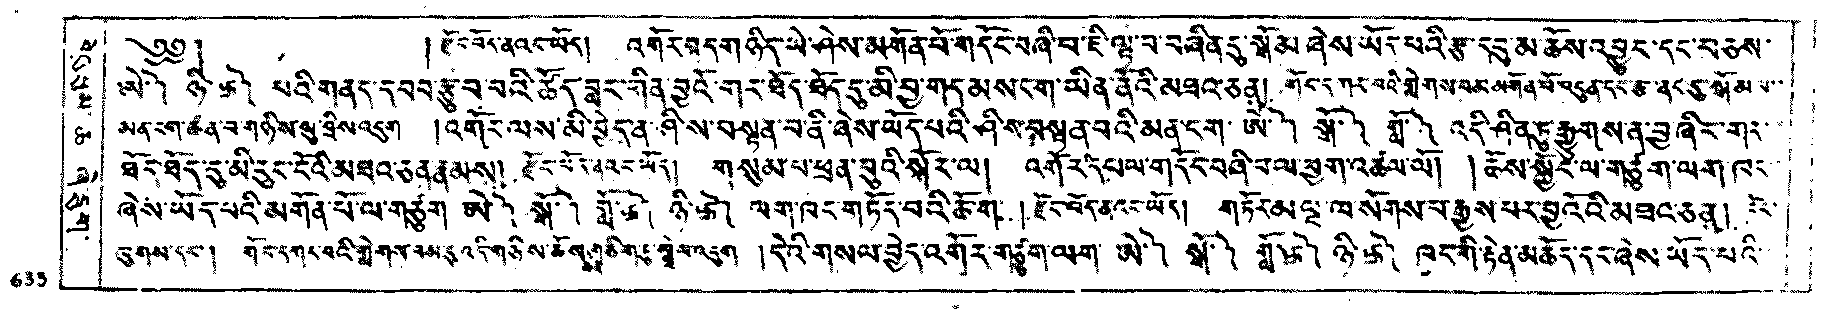༄༅། ། རྫོང་པོད་ནའང་ཡོད།  འགོར་བདག་ཉིད་ཡེ་ཤེས་མགོན་པོ་གདོང་བཞི་པ་ཇི་ལྟ་བ་བཞིན་དུ་སྒོམ་ཞེས་ཡོད་པའི་རྩ་དབུ་མ་ཆོས་འབྱུང་དང་བཅས་
ཨ྄ེ་ཉི~྾?་པའི་གནད་དབབ་རྩུབ་པའི་ཚོད་བླང་གིན་བྱའོ་གར་ཐོད་ཐོད་དུ་མི་བྱ་གདམས་ངག་ཡིན་ནོའི་མཐའ་ཅན། གོང་དཀར་བའི་གླེགས་བམ་མགོན་པོ་བདུན་དང་རྩ་ནང་དུ་སྒོམ་པ་
མན་ངག་ཚན་པ་གཉིས་སུ་བྲིས་འདུག ། འགོར་ལས་མི་བྱེད་ན་ཤི་ས་བསྟན་པ་ནི་ཞེས་ཡོད་པའི་ཤི་ས་བསྟན་པའི་མན་ངག་ཨ྄ེ་སྒ྄ོ་གླ྄ོ་འདི་ཤིན་ཏུ་རྒྱུགས་ན་བྱ་ཞིང་གར་
ཐོད་ཐོད་དུ་མི་རུང་ངོའི་མཐའ་ཅན་རྣམས། རྫོང་པོད་ནའང་ཡོད།  གསུམ་པ་ཕྲན་བུའི་སྐོར་ལ། འགོར་དཔལ་གདོང་བཞི་པ་ལ་ཕྱག་འཚལ་ལོ། །ཆོས་སྐྱོང་ལ་གཙུག་ལག་ཁང་
ཞེས་ཡོད་པའི་མགོན་པོ་ལ་གཙུག་ཨ྄ེ་སྒ྄ོ་གློ~྾?་ཉི~྾?་ལག་ཁང་གཏོད་པའི་ཆོ་ག ། རྫོང་པོད་ནའང་ཡོད།  གཏོར་མ་ལྔ་ལ་སོགས་པ་རྒྱས་པར་བྱའོའི་མཐའ་ཅན། ངོར་
ལུགས་དང་། གོང་དཀར་བའི་གླེགས་བམ་དུ་འདི་གཉིས་ཆོས་ཆན་གཅིག་ཏུ་སྤྲེལ་འདུག ། དེའི་གསལ་བྱེད་འགོར་གཙུག་ལག་ཨ྄ེ་སྒ྄ོ་གློ~྾?་ཉི~྾?་ཁང་གི་རྟེན་མཆོད་དང་ཞེས་ཡོད་པའི་